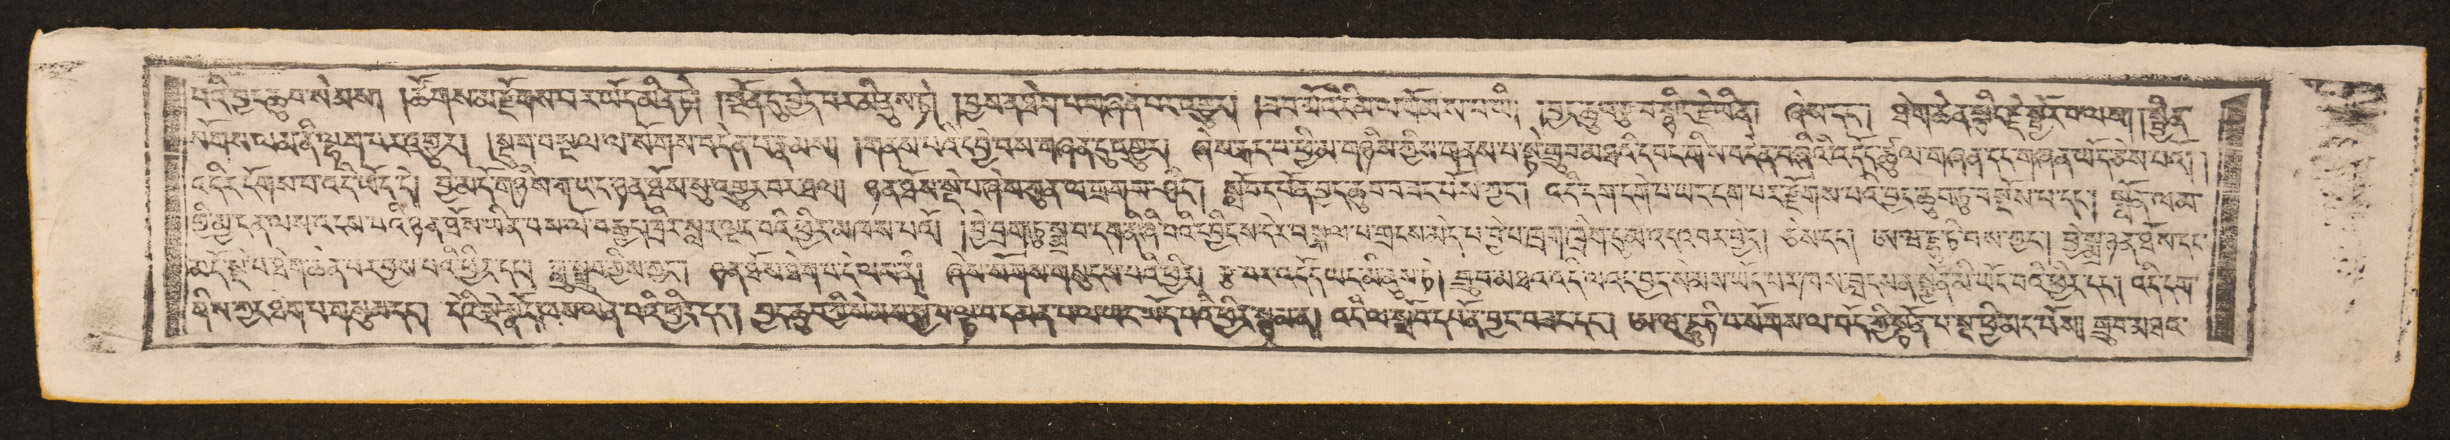པའི་བྱང་ཆུབ་སེམས། །ཚོགས་མ་རྫོགས་པར་ཡོད་མིན་ཏེ། །སྔོན་དུ་བྱེད་པར་མི་ནུས་ཏེ། །བྱས་ན་ཐེག་པ་གཞན་པར་འགྱུར། །ཟབ་མོའི་རིམ་ལ་གོམས་པ་ཡི། །བྱང་ཆུབ་རྩ་བ་སྙིང་རྗེ་ཡིན། ཞེས་དང་། ཐེག་ཆེན་སྙིང་རྗེ་སྦྱོར་བ་ལས། །སྦྱིན་
སོགས་ལམ་ནི་ལྷག་པར་འགྱུར། །སྡུག་བསྔལ་ལ་སོགས་བདེན་པ་རྣམས། །གནས་པའི་དབྱེ་བས་གཞན་དུ་འགྱུར། ཞེས་རྐང་བ་ཕྱི་མ་གཉིས་ཀྱིས་གནས་པ་སྟེ་གྲུབ་མཐའི་དབང་གིས་བདེན་བཞིའི་འདོད་ཚུལ་གཞན་དང་གཞན་ཡོད་ཅེས་པའོ།།
འདིར་དོགས་པ་འདི་ཡོད་དེ། བྱེ་མདོ་གཉིས་ཀ་ཡང་ཉན་ཐོས་སུ་འགྱུར་བར་ཐལ། ཉན་ཐོས་སྡེ་བ་ཞེས་ཀུན་ལ་གྲགས་ཤིང་། སློབ་དཔོན་བྱང་ཆུབ་བཟང་བོས་ཀྱང་། འདི་དག་དགེ་པ་ཡང་དག་པར་རྫོགས་པའི་བྱང་ཆུབ་ཏུ་བསྡོས་པ་དང་། སྨོན་ལམ་
གྱི་མྱ་ངན་ལས་འདས་པའི་ཉན་ཐོས་ཡིན་བས་ལོ་བརྒྱད་ཁྲིར་སླར་ལྡང་བའི་ཕྱིར་མཁས་པའོ། །བྱེ་བྲག་ཏུ་སྨྲ་བདག་ནི་ཞི་བའི་དབྱིངས་དེར་བསྐལ་བ་གྲངས་མེད་པ་བྱེ་པ་ཁྲག་ཁྲིག་དུམ་འདའ་བར་བྱེད། ཅེས་དང་། ཨ་ཝ་དྷུ་ཏི་བས་ཀྱང་། བྱེ་སྨྲ་ཉན་ཐོས་དང་
མདོ་སྡེ་པ་ཐེག་ཆེན་པར་བྱས་པའི་ཕྱིར་དང་། ཀླུ་སྒྲུབ་ཀྱིས་ཀྱང་། ཉན་ཐོས་ཐག་བ་དེ་ལས་ནི། ཞེས་སོགས་གསུངས་པའི་ཕྱིར། རྩ་བར་འདོད་ཡང་མི་ནུས་ཏེ། གྲུབ་མཐའ་འདི་ལའང་བྱང་སེམས་ཡོད་བར་ཁས་བླངས་ན་སྐྱོན་མི་ཡོང་བའི་ཕྱིར་དང་། འདི་དག་
གིས་ཀྱང་ཐེག་པ་གསུམ་དང་། དེའི་སྡེ་སྣོད་ཁས་ལེན་པའི་ཕྱིར་དང་། བྱང་ཆུབ་ཀྱི་སེམས་སྐྱེ་བ་ལྟ་བ་དམན་པ་ལ་ཡང་ཡོད་པའི་ཕྱིར་སྙམ་ན། འདི་ལ་སློབ་དཔོན་བྱང་བཟང་དང་། ཨ་ཝ་དྷུ་ཏི་བ་སོགས་ལ་བོད་ཀྱི་སྟོན་བ་སྔ་ཕྱི་མང་བོས། གྲུབ་མཐའ་